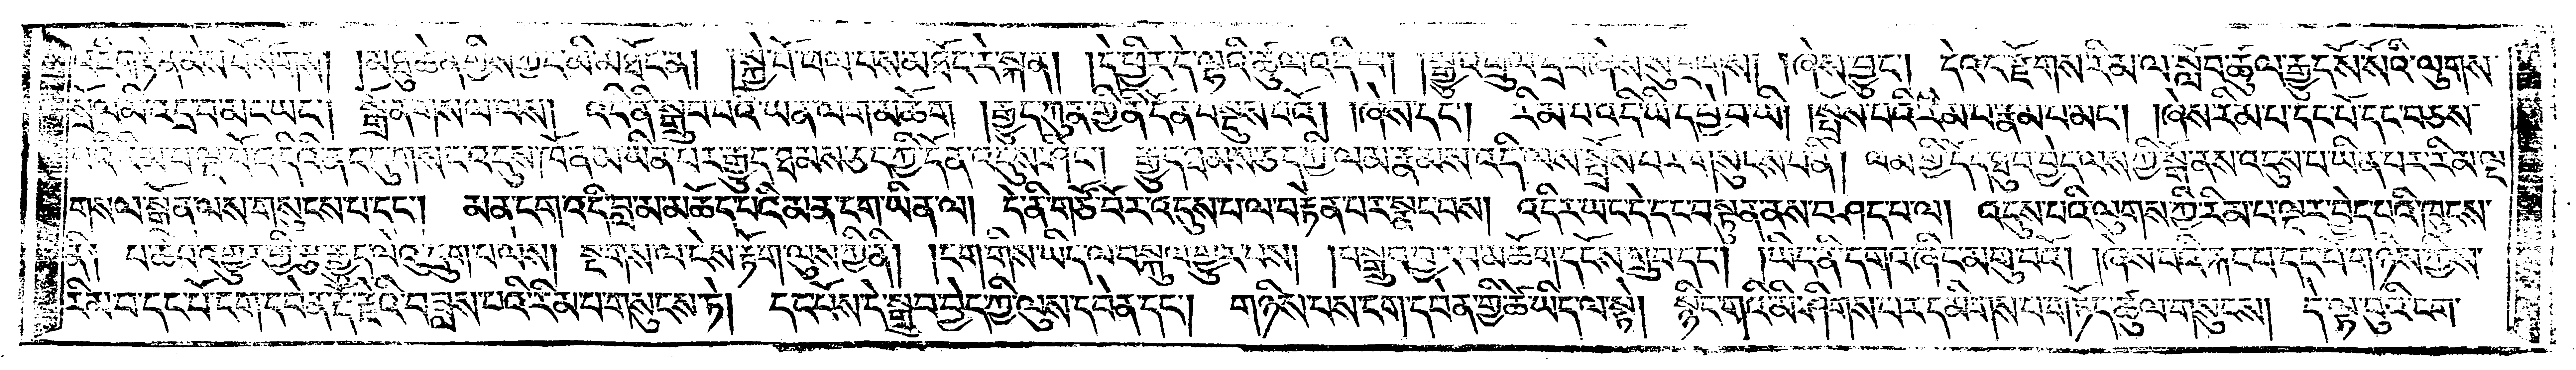འཇིག་རྟེན་མེས་པོ་སོགས། །མཐུ་ཆེན་གྱིས་ཀྱང་མི་མཐོང་ན། །སྐྱེ་བོ་ཕོལ་པས་མཐོང་རེ་སྐན། །དེ་ཕྱིར་དེ་ལྷའི་ཚུལ་འདི་ལ། །སྒྱུ་འཕྲུལ་དྲ་བ་ཞེས་སུ་གྲགས། །ཞེས་བྱུང་། དེའང་རྫོགས་རིམ་ལ་སློབ་ཚུལ་རྒྱུད་སོ་སོའི་ལུགས་
སྲོལ་མི་འདྲ་བ་མང་ཡང་། སྒྲོན་གསལ་ལས། འདི་ནི་སྒྲུབ་པའི་ཡན་ལག་མཆོག །རྒྱུད་ཀུན་གྱི་ནི་དོན་བསྡུས་པའོ། །ཞེས་དང་། རིམ་པ་འདི་ཡི་དབྱེ་བ་ཡི། །སྤྲོས་པའི་རིམ་པ་རྣམ་པ་མང་། །ཞེས་རིམ་པ་དང་པོ་དང་བཅས་
པའི་རིམ་པ་ལྔ་པོ་འདིའི་ནང་དུ་གསང་འདུས་ཁོ་ན་མ་ཡིན་པར་རྒྱུད་ཐམས་ཅད་ཀྱི་དོན་འདུས་ཤིང་། རྒྱུད་ཐམས་ཅད་ཀྱི་ལམ་རྣམས་འདི་ལས་སྤྲོས་པར་གསུངས་པ་ནི། ལམ་གྱི་དོད་ཐུབ་བྱེད་ལས་ཀྱི་སྒོ་ནས་འདུས་པ་ཡིན་པར་རིམ་ལྔ་
གསལ་སྒྲོན་ལས་གསུངས་པ་དང་། མན་ངག་འདི་བླ་མ་མཆོད་པའི་མན་དག་ཡིན་ལ། དེ་ནི་གཙོ་བོར་འདུས་པ་ལ་བརྟེན་པར་སྣང་བས། འདིར་ཡང་དེ་དང་བསྟུན་ནས་བཤད་པ་ལ། འདུས་པའི་ལུགས་ཀྱི་རིམ་པ་ལྔར་བྱེད་པའི་ཁུངས་
ནི༑?  པ་ཚབ་འགྱུར་གྱི་རྩ་རྒྱུད་ལེའུ་དྲུག་པ་ལས༑ སྔགས་ལ་ངེས་རྟོག་ལུས་ཀྱི་ནི། །ངག་གིས་ཡིད་ལ་བསྐུལ་གྱུར་པས། །བསྒྲུབ་བྱ་རབ་མཆོག་དངོས་གྲུབ་དང་། །ཡིད་ནི་དགའ་ཞིང་མགུ་པའོ། །ཞེས་པའི་རྐང་པ་དང་པོ་གཉིས་ཀྱིས་
རིམ་པ་དང་པོ་ངག་དབེན་རྡོ་རྗེའི་བཟླས་པའི་རིམ་པ་གསུངས་ཏེ། དང་པོས་དེ་སྒྲུབ་བྱེད་ཀྱི་ལུས་དབེན་དང་། གཉིས་པས་ངག་དབེན་གྱི་ཚེ་ཡིད་ལ་སྟེ། སྙིང་གའི་མི་ཤིགས་པར་དམིགས་པ་གཏོད་ཚུལ་གསུངས། དེ་ལྟ་བུའི་ངག་